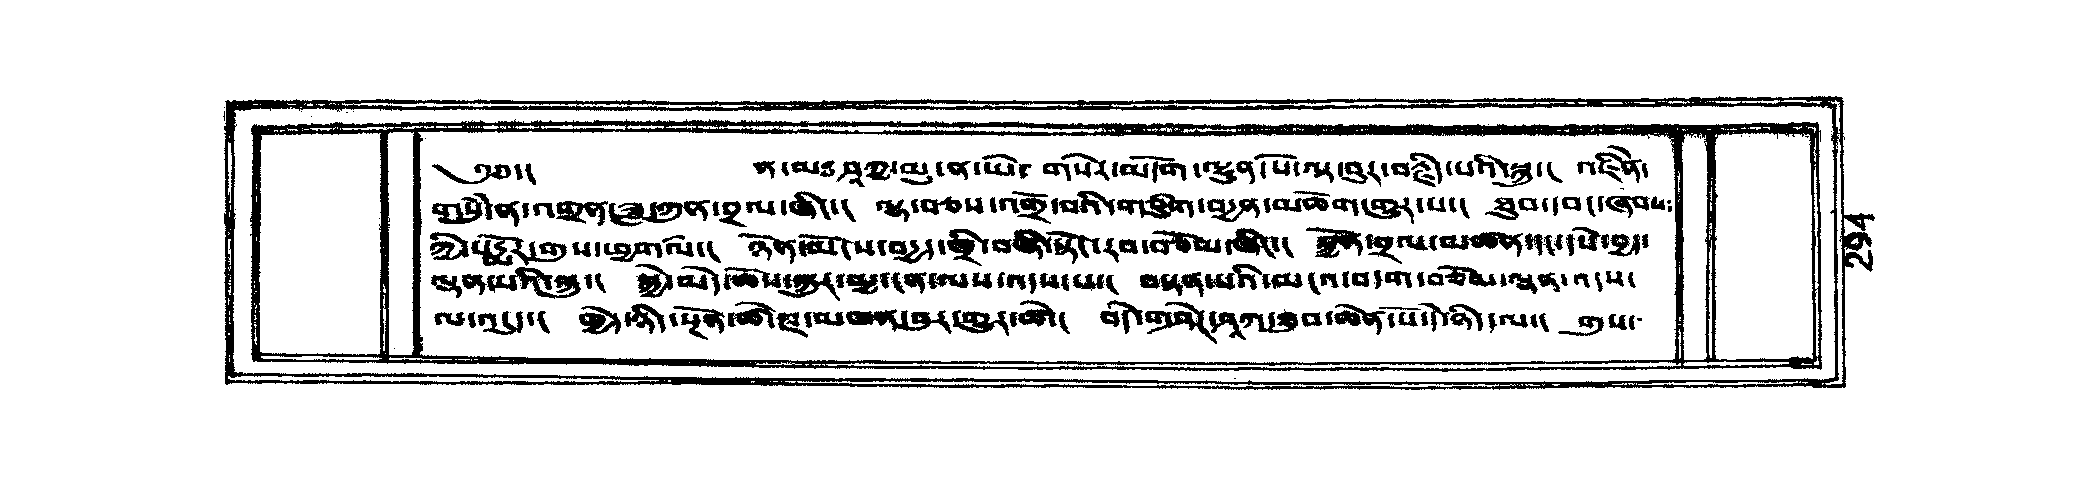ན་མཿཤཱཀྱ་མུ་ན་ཡེ། གསེར་མདོག་ལྷུན་པོ་ལྟ་བུར་བརྗིད་པའི་སྐུ། །འཇིག་རྟེན་
གསུམ་ན་འགྲན་ཟླ་ཀུན་བྲལ་ཞིང་། །ལྷར་བཅས་འགྲོ་བའི་གཙུག་བརྒྱན་མཆོག་གྱུར་པ། །ཐུབ་དབང་ཞབས་
ཀྱི་པད་མོར་གུས་ཕྱག་འཚལ། །ཉོན་མོངས་བརྒྱད་ཁྲི་བཞི་སྟོང་རབ་བཅོམ་ཞིང་། །སྐྱོན་བྲལ་མཚན་དང་དཔེ་བྱད་
ལྡན་པའི་སྐུ། །སྐྱེ་མེད་ཆོས་སྐུར་མྱ་ངན་ལས་འདས་པ། །བསྟན་པའི་མངའ་བདག་བཅོམ་ལྡན་འདས་
ལ་འདུད། །ཁྱེད་ཉིད་སྔོན་ཚེ་རྫ་མཁན་བུར་གྱུར་ཚེ། །བདེ་གཤེགས་ཤཱཀ་ཐུབ་ཆེན་པོ་དེ་ཉིད་ལ། གུས་